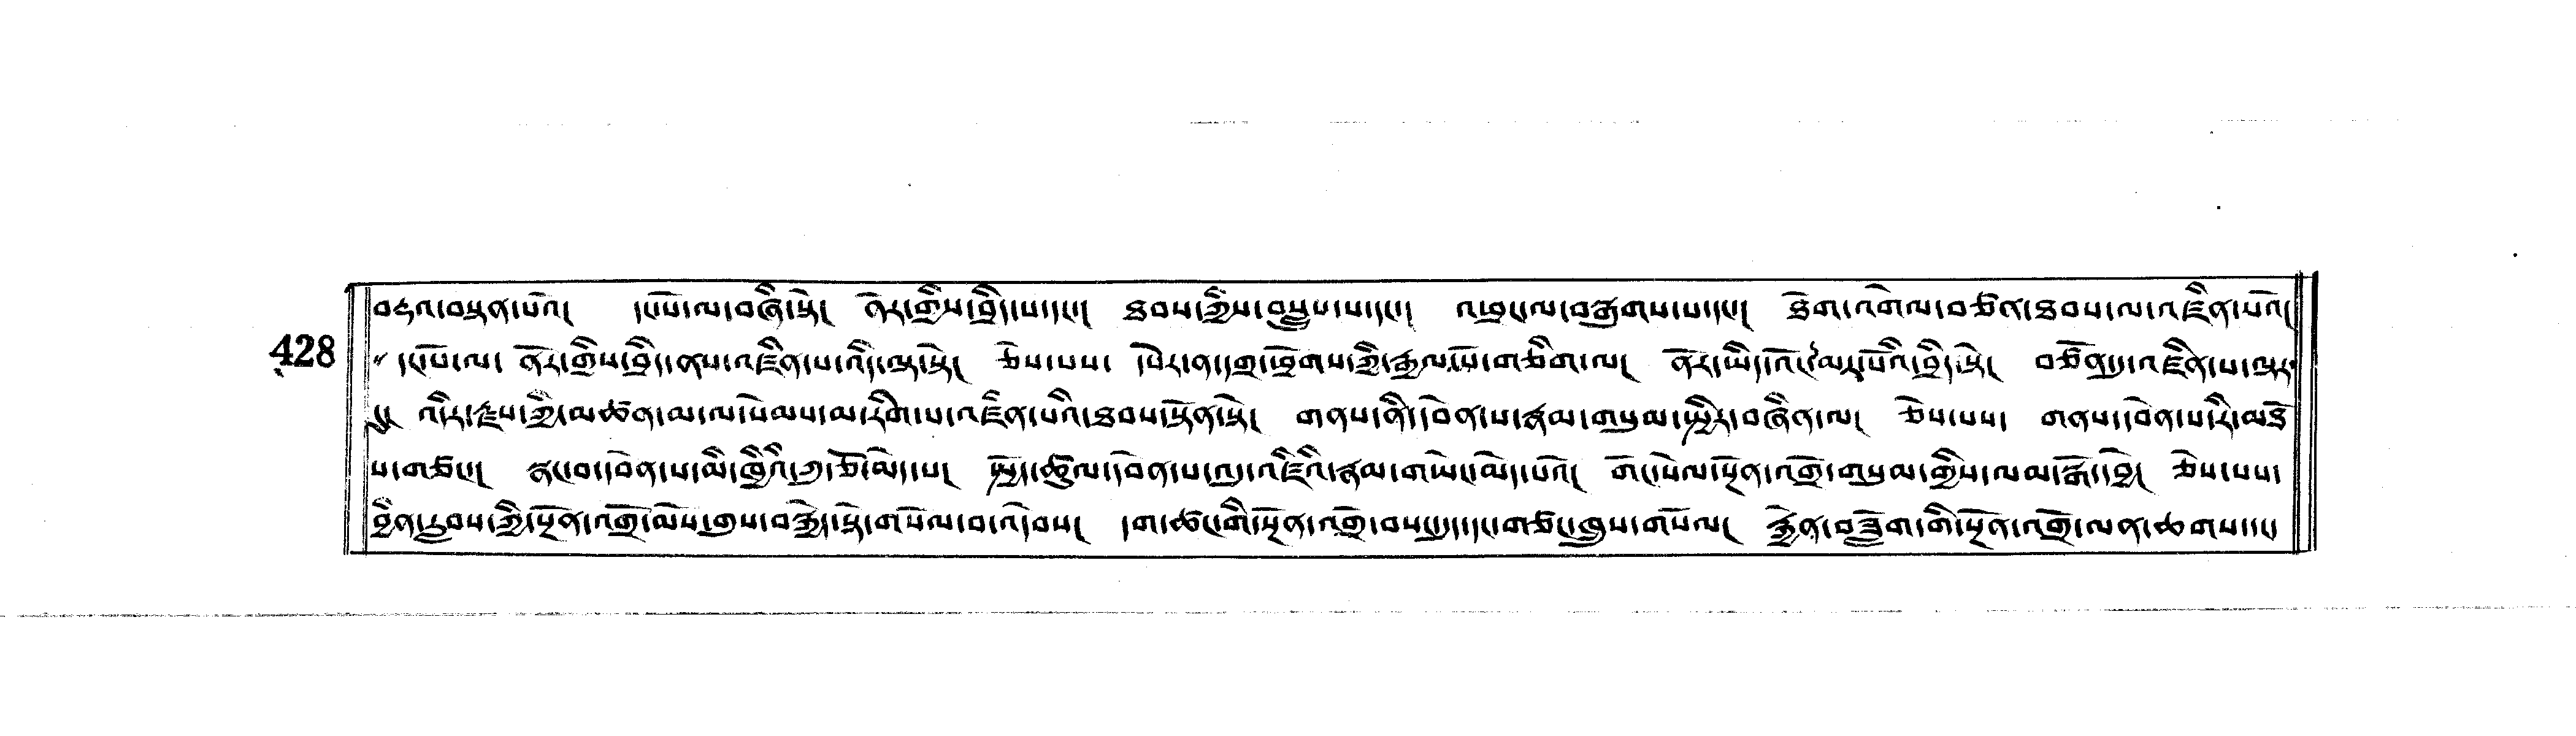བརྡའ་བསྟན་པའོ། དང་པོ་ལ་བཞི་སྟེ། ནོར་གྱིས་བྲིད་པ་དང་། ཐབས་ཀྱིས་བསླུས་པ་དང་། འཕྲང་ལ་སྒུགས་པ་དང་། ཐོག་འགེལ་བཙན་ཐབས་ལ་འཛིན་པའོ། 
དང་པོ་ལ། ནོར་གྱིས་བྲིད་ནས་འཛིན་པ་འདི་ལྟ་སྟེ། ཅེས་པས། དགྲ་ཕྱོགས་ཀྱི་རྒྱལ་པོ་གཅིག་ལ། ནོར་ཡིད་འོང་དམར་པོས་བྲིད་དེ་བཙོན་དུ་འཛིན་པ་ལྟར་
དུ། འདིར་རྫས་ཀྱི་མཚན་མ་ལ་སེམས་མ་རིག་པ་འཛིན་པའི་ཐབས་སྟོན་ཏེ། གནས་ནི་དབེན་པ་རྣམ་གསུམ་སྤྱིར་བཞིན་ལ། ཅེས་པས། གནས་དབེན་པ་རི་མཐོ་
ས་གཙང་། སྣང་བ་དབེན་པ་མི་ཁྱིའི་ཀུ་ཅོ་མེད་པ། སྤྱོད་ཚུལ་དབེན་པ་འདུ་འཛིའི་རྣམ་གཡེང་མེད་པའོ། གོང་སེལ་སྔོན་འགྲོ་གསུམ་གྱིས་ལམ་སྒོ་དབྱེ། ཅེས་པས། 
བྱིན་རླབས་ཀྱི་སྔོན་འགྲོ་མོས་གུས་བསྐྱེད་དེ་གསོལ་བ་འདེབས། དག་ཚང་གི་སྔོན་འགྲོ་བསང་དུད་དང་གཙང་ཁྲུས་གསོལ། རྐྱེན་བཟློག་གི་སྔོན་འགྲོ་ལན་ཆགས་དང་